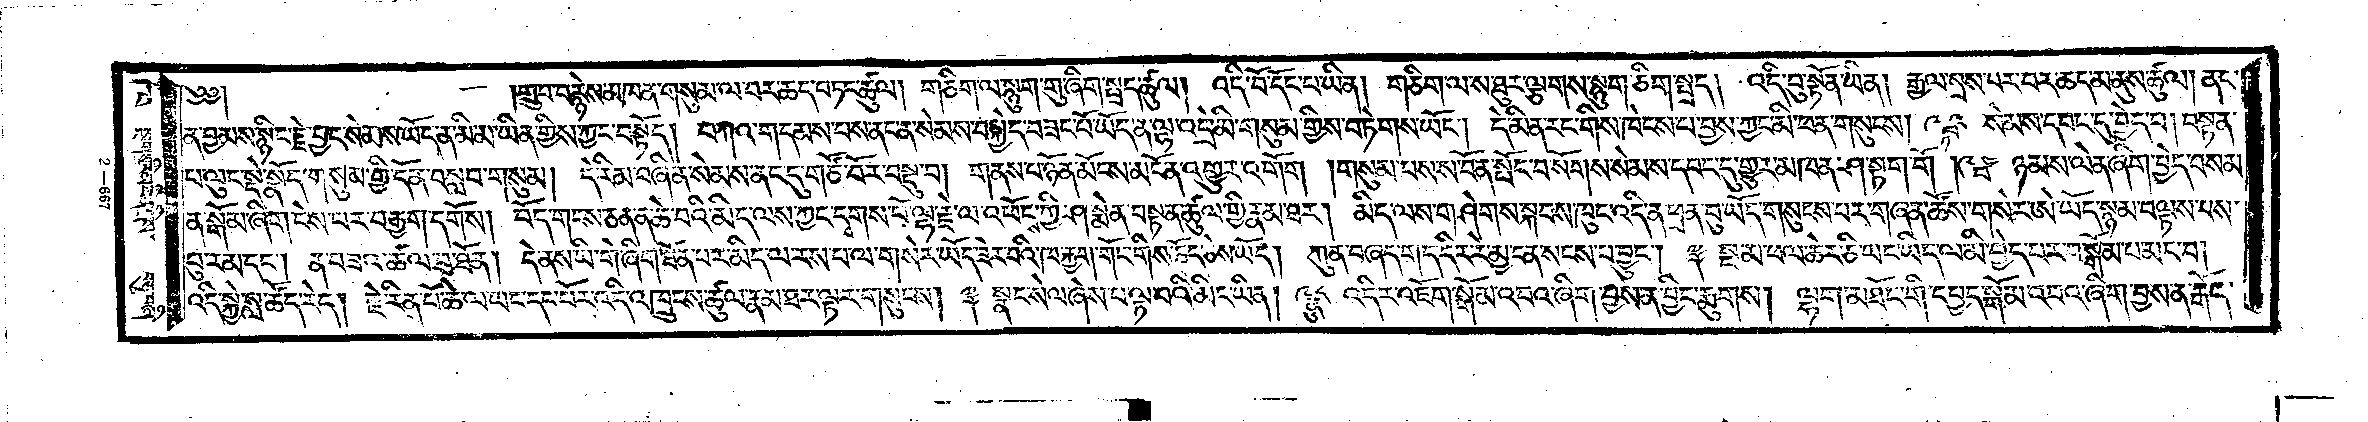༄༅། །གྲུབ་བརྙེས་མཁན་གསུམ་ལ་བར་ཆད་བཏང་ཚུལ། གཅིག་ལ་སྙུག་གུ་ཞིག་སྤྲད་ཚུལ། འདི་བོ་དོང་པ་ཡིན། གཅིག་ལས་ཐུར་ལྕགས་སྙུག་ཅིག་སྤྲད། འདི་བུ་སྟོན་ཡིན། རྒྱལ་སྲས་པར་བར་ཆད་མ་ནུས་ཚུལ། ནང་
ན་བྱམས་སྙིང་རྗེ་བྱང་སེམས་ཡོད་ན་མི་མ་ཡིན་གྱིས་ཀྱང་བསྟོད། བཀའ་གདམས་པས་ནང་ན་སེམས་བསྐྱེད་བཟང་པོ་ཡོད་ན་ལྷ་འདྲེ་མི་གསུམ་གྱིས་བཏེགས་ཡོད། དེ་མིན་རང་གིས་ཁེངས་པ་བྱས་ཀྱང་མི་ཕན་གསུངས། ༩༣བ༡་སེམས་དབང་དུ་བྱེད་པ། བསྟན་
པ་ལུང་སྡེ་སྣོད་གསུམ་གྱི་དོན་བསླབ་གསུམ། དེ་རིམ་བཞིན་སེམས་ནང་དུ་གཙོ་བོར་བསྡུ་བ། གནས་པ་ཉོན་མོངས་མངོན་འགྱུར་འགོག །གསུམ་པས་ས་བོན་སྤོང་བ་སོགས་སེམས་དབང་དུ་གྱུར་མཁན་ཤ་སྟག་གོ །༩༤བ་ཉམས་ལེན་ཞིག་བྱེད་བསམ་
ན་སྒོམ་ཞིག་ངེས་པར་བརྒྱག་དགོས། བོད་གང་ཅན་ན་ཆེ་བའི་མིད་ལས་ཀྱང་དྭགས་པོ་ལྷ་རྗེ་ལ་འཕོངས་ཀྱི་ཤ་སྨེན་བསྟན་ཚུལ་གྱི་རྣམ་ཐར། མིད་ལས་གཤེགས་སྐབས་ཁུང་འདི་ན་ཕྲན་བུ་ཡོད་གསུངས་པར་གཞན་ཚོས་གསེར་ཨེ་ཡོད་སྙམ་བལྟས་པས་
བུ་རམ་དང་། ན་བཟའ་ཚལ་བུ་ཐོན། དེ་ནས་ཡི་གེ་ཞིག་ཐོན་པར་མིད་ལ་རས་པ་ལ་གསེར་ཡོད་ཟེར་བའི་ཁ་རྐྱག་གོང་གིས་ཆོས་ཅེས་ཡོད། ཀུན་བཞད་གད་འདིར་རེ་མྱ་ངན་སངས་པ་བྱུང་། ༈ སྔ་མ་ཕལ་ཆེར་ཅི་ཡང་ཡིད་ལ་མི་བྱེད་པར་བསྒོམ་པ་མང་བ།
འདི་སྐྱེ་སླ་ཚོད་རེད། རྗེ་རིན་པོ་ཆེ་ལ་ཡང་དང་པོར་འདི་འཁྲུངས་ཚུལ་རྣམ་ཐར་ལྟར་གསུངས། ༈ སྣང་སེལ་ཞེས་པ་ལྟ་བའི་མིང་ཡིན། ༩༨ན༦་འདིར་འཇོག་སྒོམ་འབའ་ཞིག་བྱས་ན་བྱིང་རྨུགས། ལྷག་མཐོང་གི་དཔྱད་སྒོམ་འབའ་ཞིག་བྱས་ན་རྒོད་